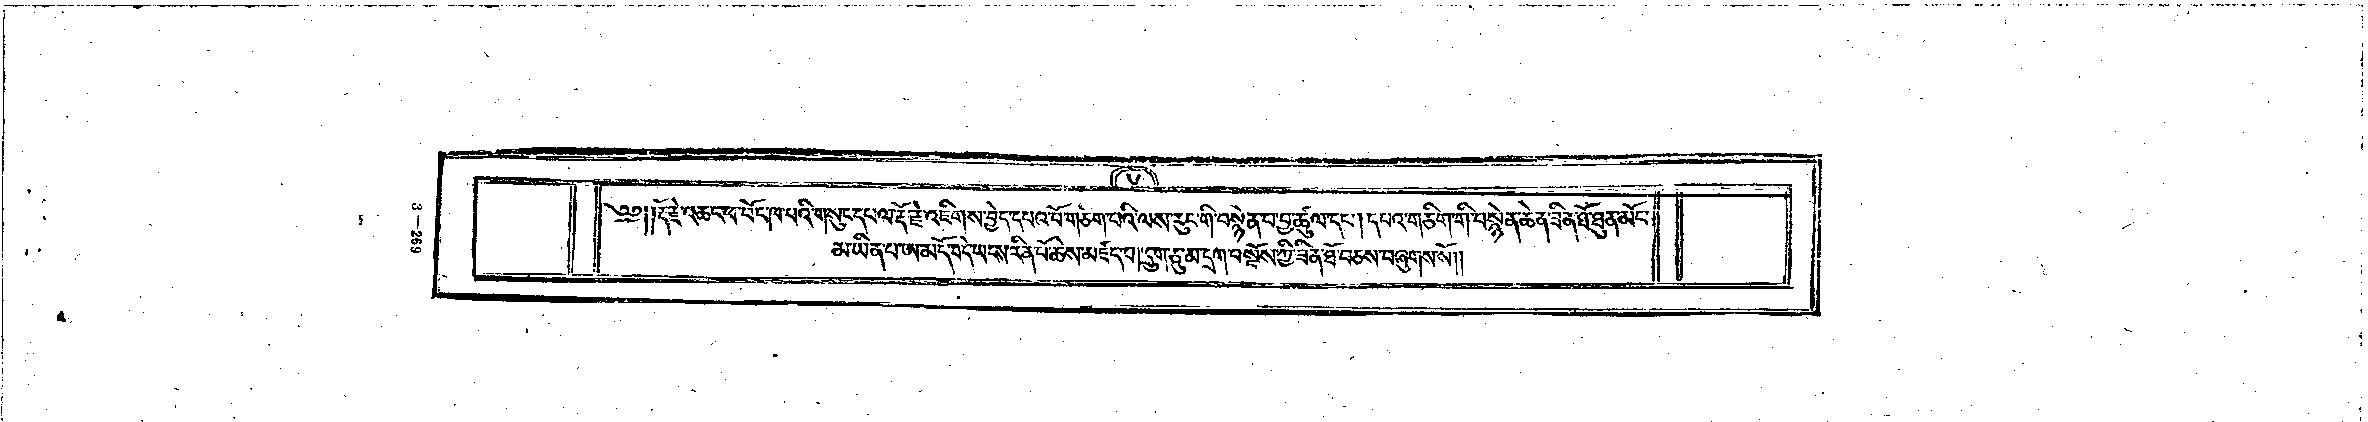༄༅། །རྡོ་རྗེ་འཆང་ཕ་བོང་ཁ་པའི་གསུང་དཔལ་རྡོ་རྗེ་འཇིགས་བྱེད་དཔའ་བོ་གཅིག་པའི་ལས་རུང་གི་བསྙེན་པ་བྱ་ཚུལ་དང་། དཔའ་གཅིག་གི་བསྙེན་ཆེན་ཟིན་ཐོ་ཐུན་མོང་
མ་ཡིན་པ་ཨ་མདོ་བདེ་ཡངས་རིན་པོ་ཆེས་མཛད་པ། དྲུག་ཅུ་མ་དྲག་བསྔོས་ཀྱི་ཟིན་ཐོ་བཅས་བཞུགས་སོ།།